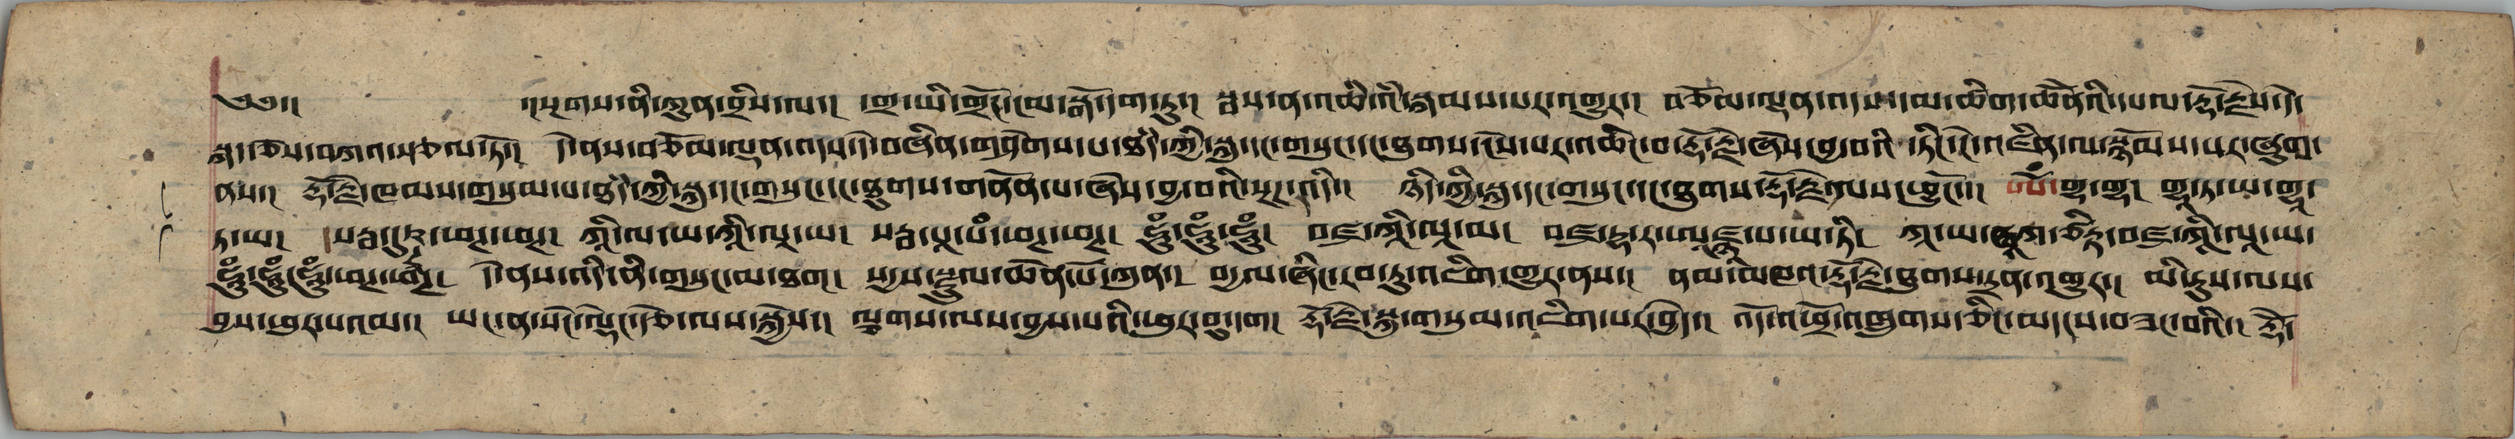༄༅་། ་།སྔགས་ནི་ཀུན་བྲིས་ལ་། དགྲ་ཡི་གྲོང་ངམ་སྒོ་དག་ཏུ་། སྦས་ན་འཆི་འཾ་སྐམས་པར་འགྱུར་། བཅོམ་ལྡན་འདས་དམ་ཚིག་ཆེནོའི་དཔལ་རྡོ་རྗེས་དེ་
སྐད་ཅེས་བཀའ་སྩལ་ཏེ་། དེ་ནས་མཅོམ་ལྡན་འདས་དེ་བཞིན་གཤེགས་པ་ཐཾད་ཀྱི་སྐུ་དང་གསུང་དང་ཐུགས་ངེས་པར་འཆིང་བ་རྡོ་རྗེ་ཞེས་བྱ་བའི་ཏིང་ངེ་འཛིན་ལ་སྙོམས་པར་ཞུགས་
ནས་། རྡོ་རྗེ་ཁམས་གསུམ་པ་ཐཾད་ཀྱི་སྐུ་དང་གསུང་དང་ཐུགས་གནོན་པ་ཞེས་བྱ་བའི་སྔཌ་འདི་། ཉིད་ཀྱི་སྐུ་དང་གསུང་དང་ཐུགས་རྡོ་རྗེ་ལས་ཕྱུངོ་་། ཨོཾ་གྷ་གྷ། གྷཱ་ཏ་ཡ་གྷཱ་
ཏ་ཡ། སརྦ་དུཥྚ་ཕཊ་ཕཊ། ཀཱི་ལ་ཡ་ཀཱི་ལཱ་ཡ། སརྦ་པཱ་པཾ་ཕཊ་ཕཊ། ཧཱུཾ་ཧཱུཾ་ཧཱུཾ། བཛྲ་ཀཱི་ལཱ་ཡ། བཛྲ་དྷ་ར་ཨཱཛྙ་པ་ཡ་ཏི། ཀཱ་ཡ་ཝཱཀ་ཙིཏྟ་བཛྲ་ཀཱི་ལཱ་ཡ་
ཧཱུཾ་ཧཱུཾ་ཧཱུཾ་ཕཊ་ཕཊ། དེ་ནས་འདི་ནི་གསུང་མ་ཐག། སདྱས་སྫྲུལ་ཆེན་པོ་ཀུན་། བདྱལ་ཞིང་རབ་ཏུ་འཇིག་གྱུར་ནས་། ནམ་མཁའ་རྡོ་རྗེ་ཐུགས་དྲན་འགྱུར་། མི་རུས་ལས་
བྱས་ཕུར་པའམ་། ཡང་ན་སེང་ལྡེང་རྩེ་ལས་སྐྱེས་། ལྕགས་ལས་བྱས་པའི་ཕུར་བུ་དག། རྡོ་རྗེ་སྐུ་གསུམ་འཇིག་པར་བྱེད་། འོད་འཕྲོ་འཁྲུགས་ཅིང་མདངས་བཟང་བའི་། རྡོེ་